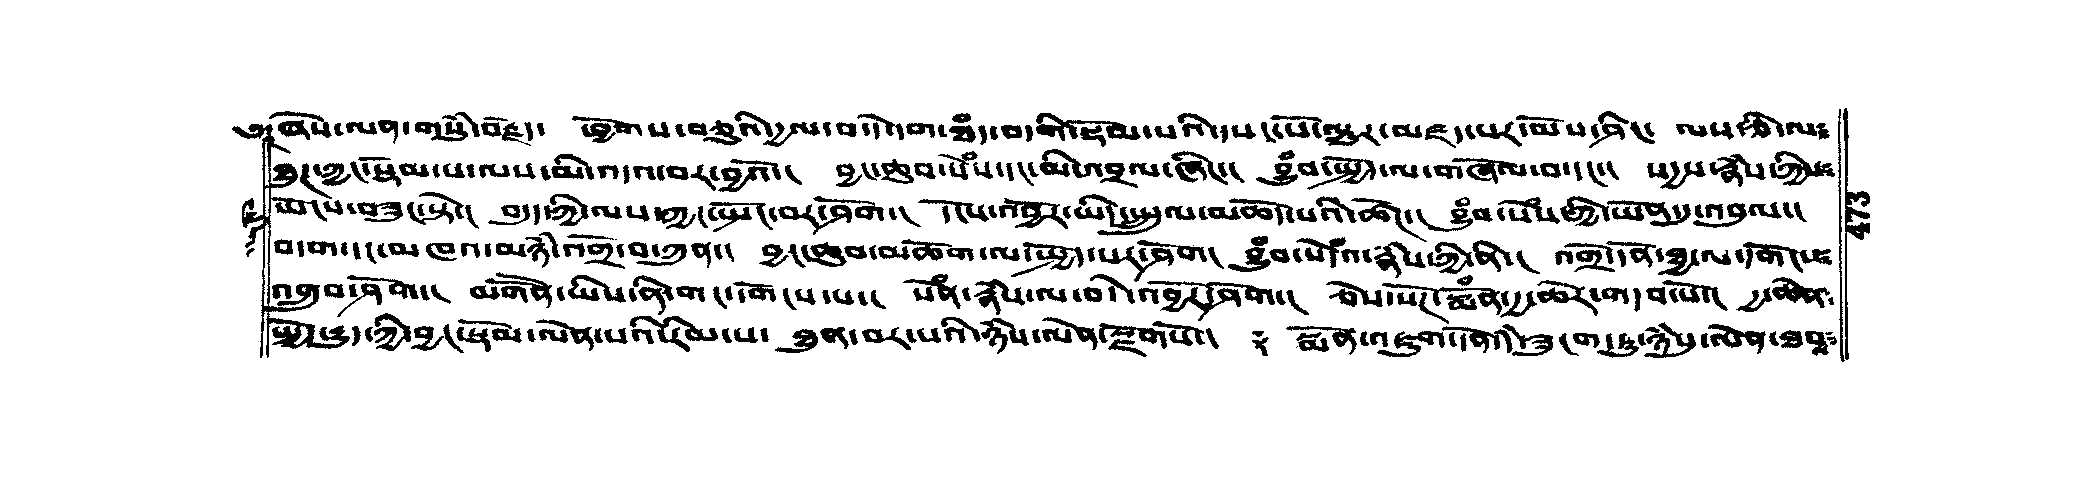ཞེས་ལན་གསུམ་བརྗོད། ཕྱོགས་བཅུའི་རྒྱལ་བ་དེ་དག་ཐམས་ཅད་བདག་གི་སྡོམ་པའི་དཔང་པོ་ལྟ་བུར་མཛད་པར་མོས་ཤིང་། ལས་ཅི་ལ་
ཐུག་ཀྱང་སྡོམ་པ་ལས་མི་འདའ་བར་བྱའོ། བྱང་ཆུབ་སེམས་དང་མི་འབྲལ་ཞིང་། །བྱང་ཆུབ་སྤྱོད་ལ་གཞོལ་བ་དང་། །སངས་རྒྱས་རྣམས་ཀྱིས་
ཡོངས་བཟུང་སྟེ། །བདུད་ཀྱི་ལས་རྣམས་སྤོང་བར་ཤོག་།དངོས་འབྱོར་ཡིད་སྤྲུལ་མཆོད་པའི་ཚོགས། །བྱང་ཆུབ་སེམས་ཀྱི་ཡོན་དུ་འབུལ། །
བདག་དང་མཁའ་མཉམ་འགྲོ་བ་ཀུན། །བྱང་ཆུབ་མཆོག་ལ་སྤྱོད་པར་ཤོག་།བྱང་ཆུབ་སེམས་དཔའ་རྣམས་ཀྱི་ནི། །འགྲོ་དོན་ཐུགས་ལ་དགོངས་
འགྲུབ་ཤོག་།མགོན་པོ་ཡིས་ནི་གང་དགོངས་པ། །སེམས་ཅན་རྣམས་ལ་བདེ་འབྱོར་ཤོག་།ཅེས་སོགས་སྨོན་ལམ་རྒྱ་ཆེར་གདབ་བོ། རྒྱ་ཆེན་
སྤྱོད་རྒྱུད་ཀྱི་བྱང་སྡོམ་ལེན་པའི་རིམ་པ། ཐུན་བར་པའི་ཉམས་ལེན་རྫོགས་སོ། ༈ སྨཽན་འཇུག་དོན་དམ་ཟུང་འཇུག་ཏུ་ཉམས་སུ་ལེན་ཐབས་